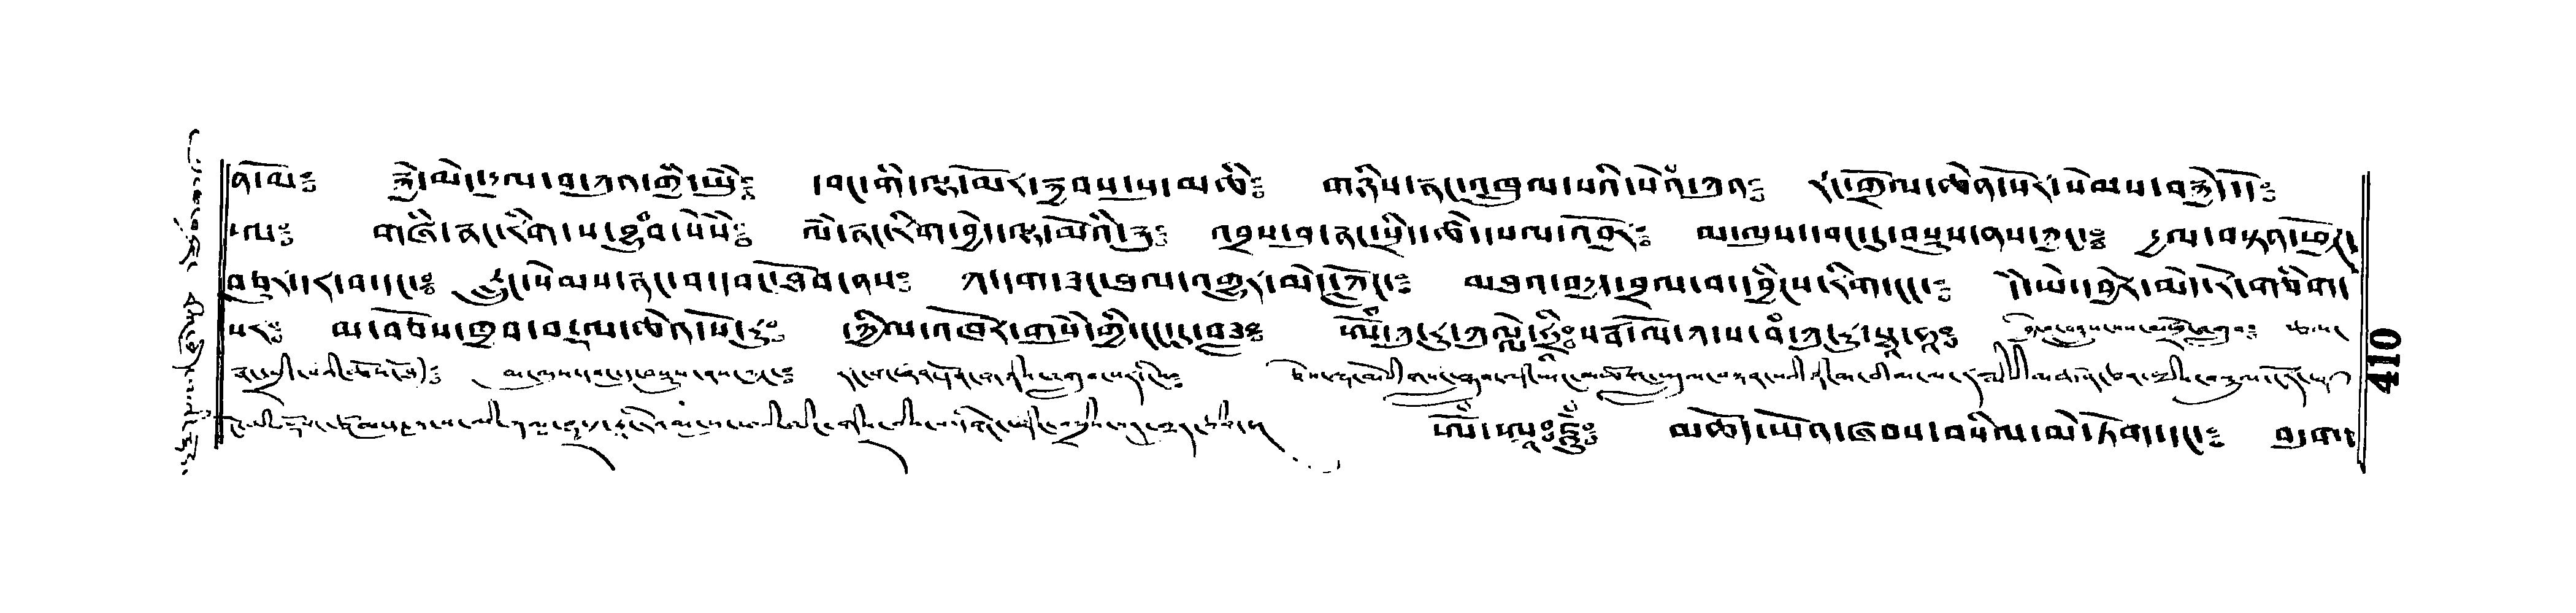ན་མོ༔ སྐྱེ་མེད་རྒྱལ་བ་ཀུན་གྱི་ཡུམ༔ དབང་གི་ལྷ་མོར་སྐྱབས་སུ་མཆི༔ གཉིས་སྣང་འཁྲུལ་པའི་སེམས་ཅན་ཀུན༔ རང་གྲོལ་ཆེན་པོར་སེམས་བསྐྱེད་དོ༔ 
ཨཱཿ གཞི་སྣང་རིག་པ་བྱང་ཆུབ་སེམས༔ ལམ་སྣང་རིག་བྱེད་ལྷ་མོའི་སྐུ༔ འབྲས་བུ་སྣང་སྲིད་ཚེ་དཔལ་འབྱོར༔ མ་ལུས་དབང་དུ་བསྡུས་ནས་ཀྱང༔ རྒྱལ་བསྟན་ཕྱོགས་
བཅུར་དར་བ་དང༔ རླུང་སེམས་སྣང་བ་དབང་ཐོབ་ནས༔ ཀ་དག་ཟང་ཐལ་འགྱུར་མེད་ཀློང༔ མཐའ་བརྒྱད་བྲལ་བ་དབྱིངས་རིག་ངང༔ དམ་ཡེ་དབྱེར་མེད་རོ་གཅིག་
པར༔ མ་བཅོས་ཁྱབ་བརྡལ་ཆེན་པོ་རུ༔ དཀྱིལ་འཁོར་གསུམ་གྱི་ངང་དུ་བཟླ༔ ཨོཾ་ཀུ་རུ་ཀུལླེ་ཧྲཱི་སརྦ་ལོ་ཀ་པ་ཤཾ་ཀུ་རུ་སྭཱ་ཧཱཿ བྱེ་བ་བཟླས་པས་མཁའ་འགྲོ་འགྲུབ༔ རྩལ་
སྣང་སྲིད་པའི་ཆོས་ཐམས་ཅད༔ མ་ལུས་དབང་དུ་བསྡུས་ནས་ཀྱང༔ རང་གཞན་དོན་གཉིས་འགྲུབ་པར་ངེས༔ ཅེས་ལྷ་མོའི་གསང་སྒྲུབ་འདི་ཡང་མཆོག་སྤྲུལ་བསྟན་པའི་ཉི་མ་བི་མ་ལ་རསྨིའི་མཚན་ཅན་གྱིས་བསྐུལ་ངོར་ཞལ་
ངོ་མ་ལྡོག་ཙམ་དུ་ཀུ་ས་ལི་ཀལྤ་བྷ་དྲ་ཏཱ་རེའམ་སུ་ཁའི་མིང་གིས་བྲིས་པ་དགེ་ཞིང་བཀྲ་ཤིས་པར་གྱུར་ཅིག ཨོཾ་ཨཱཿཧཱུྃ༔ མཆོད་ཡོན་ཞབས་བསིལ་མེ་ཏོག་དང༔ བདུག་